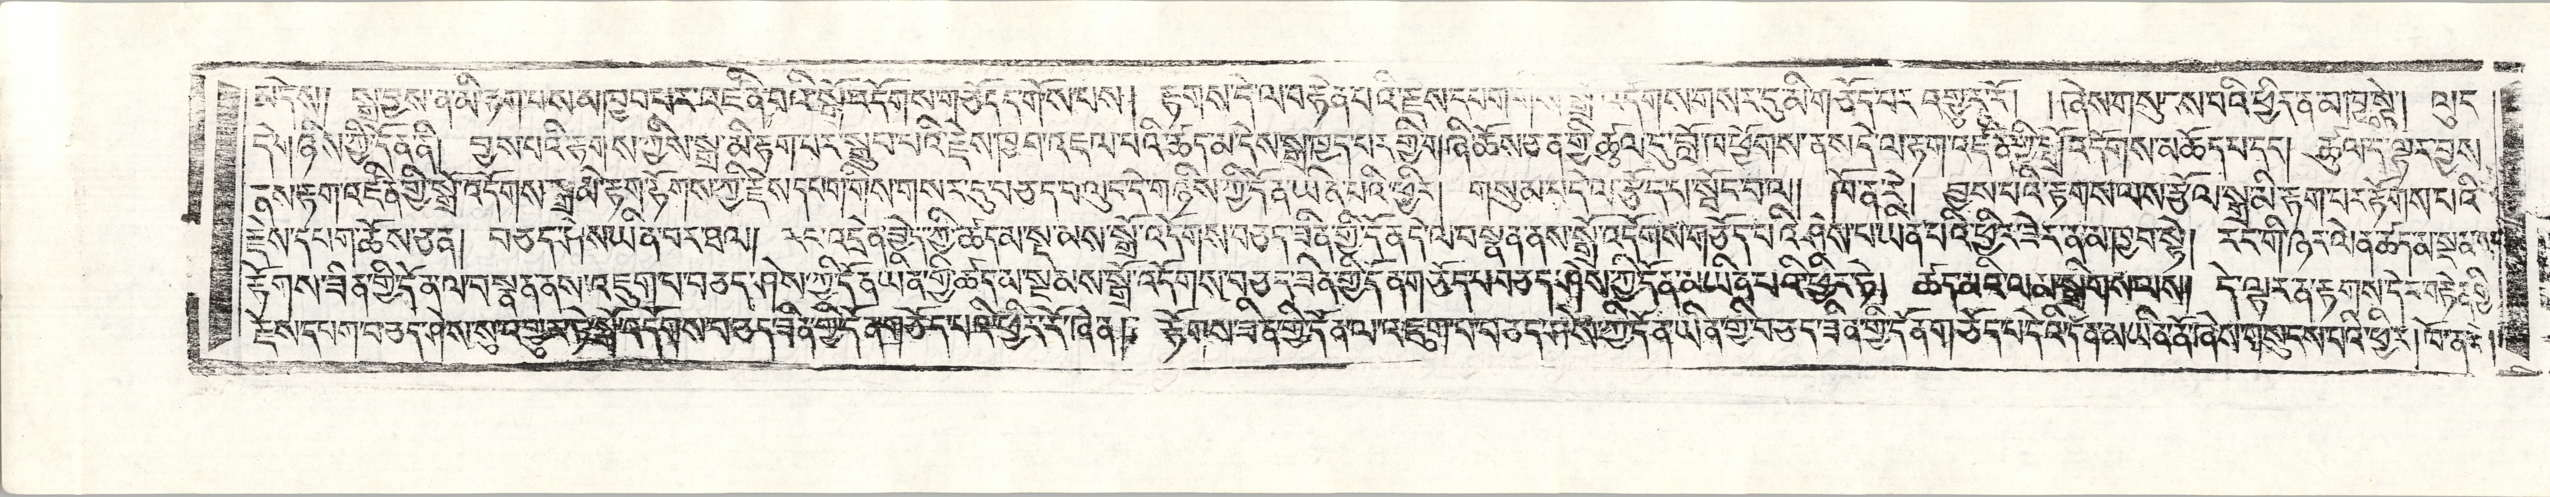མ་དེས། སྒྲ་བྱས་ན་མི་རྟག་པས་མ་ཁྱབ་པར་འཛིན་བའི་སྒྲོ་འདོགས་གཅོད་དགོས་པས། རྟགས་དེ་ལ་བརྟེན་པའི་རྗེས་དཔག་གིས་སྒྲོ་འདོགས་གསར་དུ་མི་གཅོད་པར་འགྱུར་རོ། །ཞེས་གསུངས་པའི་ཕྱིར་ན་མ་ཁྱབ་སྟེ། ལུང་
དེ་གཉིས་ཀྱི་དོན་ནི། བྱས་པའི་རྟགས་ཀྱིས་སྒྲ་མི་རྟག་པར་སྒྲུབ་པའི་རྗེས་ཁྱབ་འཇལ་བའི་ཚད་མ་དེས་སྒྲ་ཁྱད་པར་གྱི་གཞི་ཆོས་ཅན་གྱི་ཚུལ་དུ་བློ་ཁ་ཕྱོགས་ནས་དེ་ལ་རྟག་འཛིན་གྱི་སྒྲོ་འདོགས་མ་ཆོད་པ་དང་། ཚུལ་དེ་ལྟར་བྱས་
ནས་རྟག་འཛིན་གྱི་སྒྲོ་འདོགས་སྒྲ་མི་རྟག་རྟོགས་ཀྱི་རྗེས་དཔག་གིས་གསར་དུ་བཅད་པ་ལུང་དེ་གཉིས་ཀྱི་དོན་ཡིན་པའི་ཕྱིར། གསུམ་པ་དེ་ལ་རྩོད་པ་སྤོང་བ་ལ། ཁོ་ན་རེ། བྱས་པའི་རྟགས་ལས་རྩོལ་སྒྲ་མི་རྟག་པར་རྟོགས་པའི་
རྗེས་དཔག་ཆོས་ཅན། བཅད་ཤེས་ཡིན་བར་ཐལ། རང་འདྲེན་བྱེད་ཀྱི་ཚད་མ་སྔ་མས་སྒྲོ་འདོགས་བཅད་ཟིན་གྱི་དོན་དེ་ལ་བསྣན་ནས་སྒྲོ་འདོགས་གཅོད་པའི་ཤེས་པ་ཡིན་པའི་ཕྱིར་ཟེར་ན་མ་ཁྱབ་སྟེ། རང་གི་ཉེར་ལེན་ཚད་མ་སྔ་མས་
རྟོགས་ཟིན་གྱི་དོན་ལ་བསྣན་ནས་འཇུག་པ་བཅད་ཤེས་ཀྱི་དོན་ཡིན་གྱི་ཚད་མ་སྔ་མས་སྒྲོ་འདོགས་བཅད་ཟིན་གྱི་དོན་གཅོད་པ་བཅད་ཤེས་ཀྱི་དོན་མ་ཡིན་པའི་ཕྱིར་ཏེ། ཚད་མའི་ལམ་སྒྲིགས་ལས། དེ་ལྟར་ན་རྟགས་དེར་བརྟེན་གྱི་
རྗེས་དཔག་བཅད་ཤེས་སུ་འགྱུར་ཏེ་སྒྲོ་འདོགས་བཅད་ཟིན་གྱི་དོན་གཅོད་པའི་ཕྱིར་རོ་ཞེ་ན། རྟོགས་ཟིན་གྱི་དོན་ལ་འཇུག་པ་བཅད་ཤེས་ཀྱི་དོན་ཡིན་གྱི་བཅད་ཟིན་གྱི་དོན་གཅོད་པ་དེའི་དོན་མ་ཡིན་ནོ་ཞེས་གསུངས་པའི་ཕྱིར། ཁོ་ན་རེ།